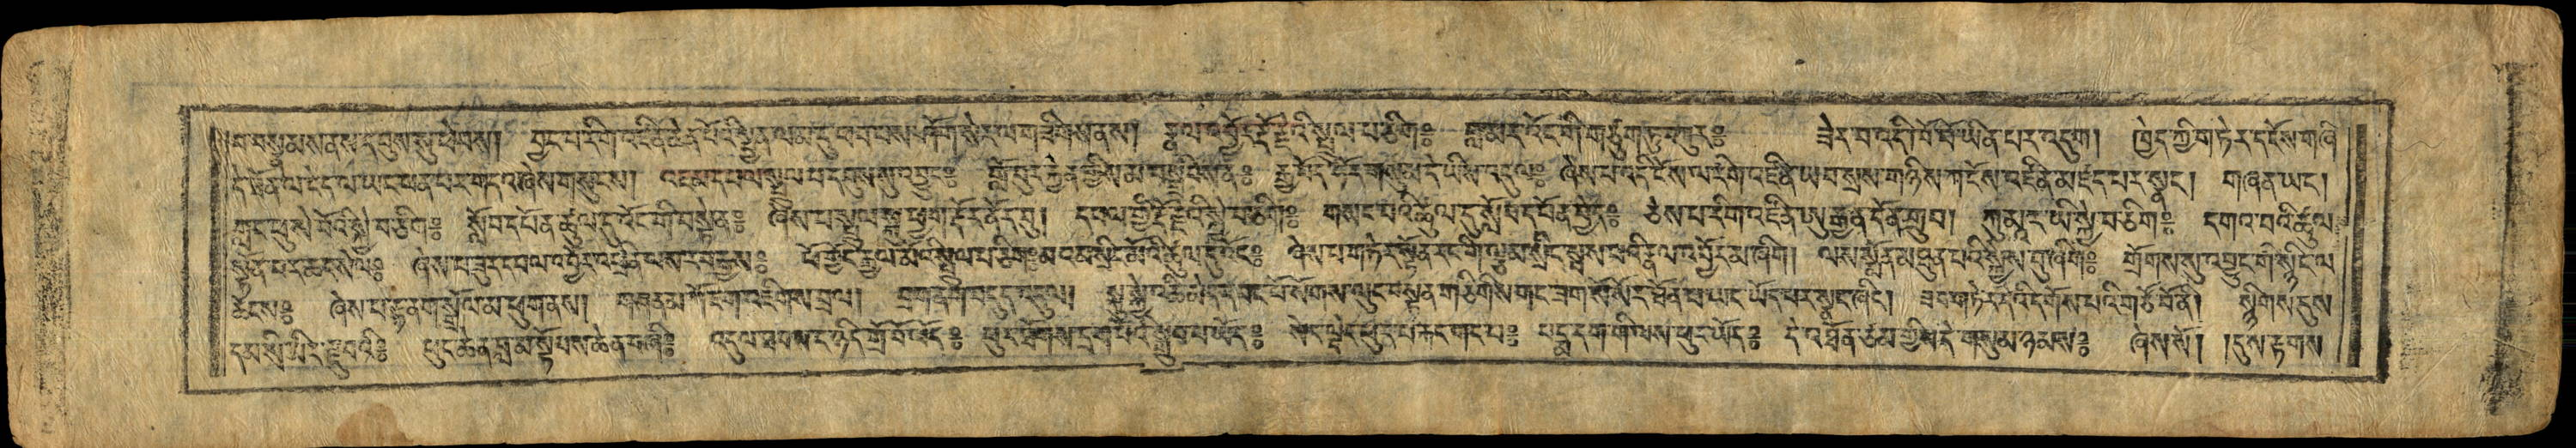བ་བསྣམས་ནས་དབུས་སུ་ཕེབས། བྱང་བ་རིག་འཛིན་ཆེན་པོའི་སྤྱན་ལམ་དུ་ཕབ་པས་ཤོག་སེར་ལ་གཟིགས་ནས། རྣལ་འབྱོར་རྡོ་རྗེའི་སྤྲལ་པ་ཅིགཿ་བླ་མར་འོང་གི་གཙུག་ཏུ་བཀུརཿ་ཟེར་བ་འདི་ཁོ་བོ་ཡིན་པར་འདུག། ཁྱེད་ཀྱི་གཏེར་དངོས་གཞི་
དེ་ཐོན་ལ་ངེད་ལ་ཡང་ཕན་པར་གདའ་ཞེས་གསུངས། འཇམ་དཔལ་སྤྲུལ་པ་དབུས་སུ་འབྱུངཿ་གློ་བུར་རྐྱན་གྱིས་མ་བསྒྲིབས་ནཿ་རྒྱ་བོད་ཧོར་གསུམ་དེ་ཡིས་འདུལཿ་ཞེས་པ་འདི་ངོས་ལ་རིག་འཛིན་ཡབ་སྲས་གཉིས་ཀ་ངོས་འཛིན་མཛད་པར་སྣང་། གཞན་ཡང་།
གླང་ཕུ་སེ་བོའི་སྐྱ་བ་ཅིགཿ་སློབ་དཔོན་ཚུལ་དུ་འོང་གི་བསྟེནཿ་ཞེས་པ་སྤྲུལ་སྐུ་ཕྱག་རྡོར་ནོར་བུ། དཔལ་གྱི་རྡོ་རྗེའི་སྐྱེ་བ་ཅིགཿ་གསང་བའི་ཚུལ་དུ་སློབ་དཔོན་བྱེདཿ་ཅེས་པ་རིག་འཛིན་ཨུ་རྒྱན་དོན་གྲུབ། ཀུ་མཱ་ར་ཡི་སྐྱེ་བ་ཅིགཿ དགའ་བའི་ཚུལ་
སྟོན་བར་ཆང་སེལཿ་ཞེས་པ་ཟུར་དཔལ་འབྱོར་འཕྲིན་ལས་རབ་རྒྱསཿ་ཕོ་གྱོང་རྒྱལ་མོའི་སྤྲུལ་པ་ཅིགཿ་མའམ་སྲིང་མོའི་ཚུལ་དུ་འོངཿ་ཞེས་པ་གཏེར་སྟོན་རང་གི་ལྕམ་སྲིང་སྦས་པའི་རྣལ་འབྱོར་མ་ཞིག། ལས་སྨོན་མཐུན་པའི་སྐྱེས་བུ་ཞིགཿ་གྲོགས་སུ་འབྱུང་གི་སྙིང་ལ་
ཚེངས་?་H ཞེས་པ་རྟ་ནག་སྒྲོལ་མ་ཕུག་ནས། གཞན་མ་ཀོ་ཇག་འཇིགས་བྲལ། བྲག་ནག་བདུད་འདུལ། སྐུ་སྐྱེ་འཆི་མེད་དབང་པོ་སོགས་ལུང་བསྟན་གཅིག་གིས་གང་ཟག་སོ་སོར་ཐོན་པ་ཡང་ཡོད་པར་སྣང་ཞིང་། ཟབ་གཏེར་དེའི་དགོས་པའི་གཙོ་བོ་ནི། སྙིགས་དུས་
དམ་སྲི་མིར་རྫུ་བའིཿ་ཕུང་ཆེན་བླ་མ་སྟོབས་ཆན་བཞིཿ་འདུལ་ཐབས་ང་ཉིད་གྲོ་བོ་ལོདཿ་ཕུར་ཐོགས་དྲག་པོའི་སྒྲུབ་པ་པ་ཡོདཿ་སེང་ལྡེང་ཕུར་པ་རྐང་གང་པཿ་པདམ་དག་གི་ལས་ཕུར་ཡོདཿ་དེ་འཐོན་ཙམ་གྱིས་དེ་གསུམ་ཉམསཿ་ཞེས་སོ། །དུས་རྟགས་